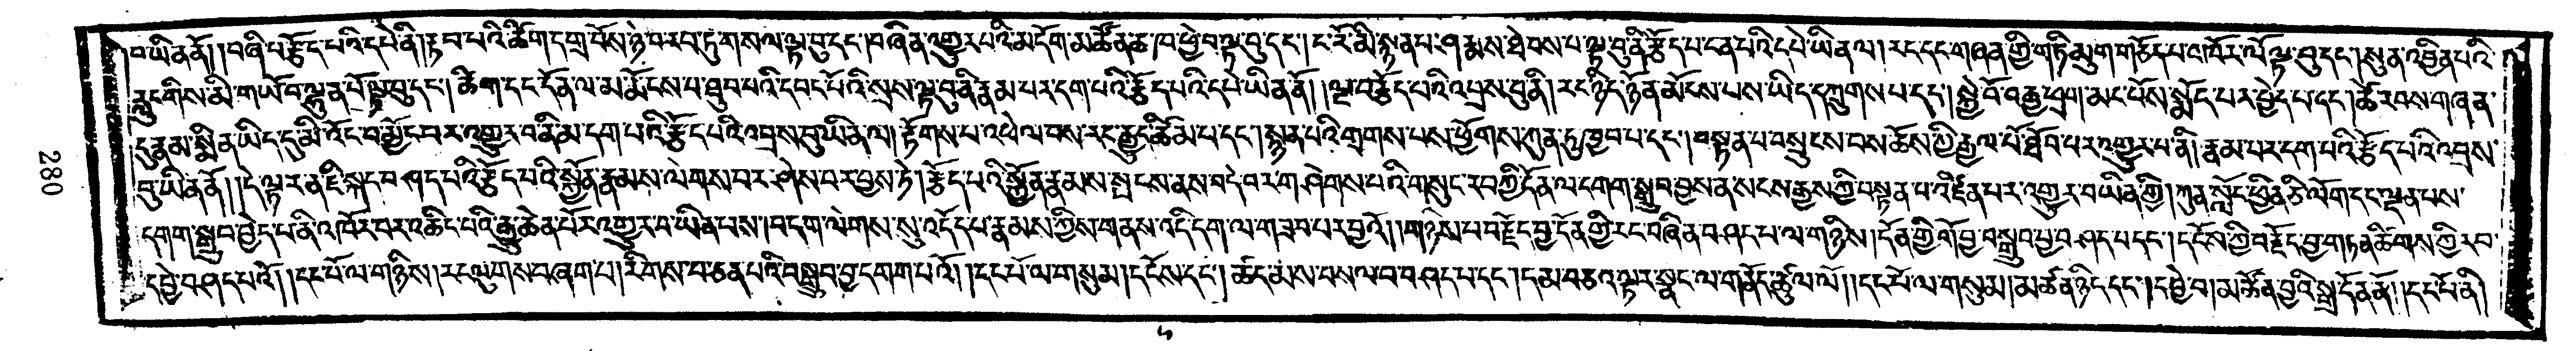བ་ཡིན་ནོ། །བཞི་པ་རྩོད་པའི་དཔེ་ནི། རྟབ་པའི་ཚིག་དགྲ་བས་ཉེ་བར་བཏུགས་པ་ལྟ་བུ་དང་། བཞིན་འགྱུར་བའི་མདོག་མཚོན་ཆ་ཁ་ཕྱེ་བ་ལྟ་བུ་དང་། ང་རོ་མི་སྙན་པ་ཤ་ཟས་ཐེབས་པ་ལྟ་བུ་ནི་རྩོད་པ་ངན་པའི་དཔེ་ཡིན་ལ། རང་དང་གཞན་གྱི་གཏི་མུག་གཅོད་པ་འཁོར་ལོ་ལྟ་བུ་དང་། སུན་འབྱིན་པའི་
རླུང་གིས་མི་གཡོ་བ་ལྷུན་པོ་ལྟ་བུ་དང་། ཚིག་དང་དོན་ལ་མ་རྨོངས་པ་ཐུབ་པའི་དབང་པོའི་སྲས་ལྟ་བུ་ནི་རྣམ་པར་དག་པའི་རྩོད་པའི་དཔེ་ཡིན་ནོ། །ལྔ་པ་རྩོད་པའི་འབྲས་བུ་ནི། རང་ཉིད་ཉོན་མོངས་པས་ཡིད་དཀྲུགས་པ་དང་། སྐྱེ་བོ་བརྒྱ་ཕྲག་མང་པོས་སྨོད་པར་བྱེད་པ་དང་། ཚོ་རབས་གཞན་
དུ་རྣམ་སྨིན་ཡིད་དུ་མི་འོང་བ་མྱོང་བར་འགྱུར་བ་ནི་མ་དག་པའི་རྩོད་པའི་འབྲས་བུ་ཡིན་ལ། རྟོགས་པ་འཕེལ་བས་རང་རྒྱུད་ཚིམ་པ་དང་། སྙན་པའི་གྲགས་པས་ཕྱོགས་ཀུན་ཏུ་ཁྱབ་པ་དང་། བསྟན་པ་བསྲུངས་པས་ཆོས་ཀྱི་རྒྱལ་པོ་ཐོབ་པར་འགྱུར་བ་ནི། རྣམ་པར་དག་པའི་རྩོད་པའི་འབྲས་
བུ་ཡིན་ནོ། །དེ་ལྟར་ན་ཇི་སྐད་བཤད་པའི་རྩོད་པའི་སྐྱོན་རྣམས་ལེགས་པར་ཤེས་པར་བྱས་ཏེ། རྩོད་པའི་སྐྱོན་རྣམས་སྤངས་ནས་བདེ་བར་གཤེགས་པའི་གསུང་རབ་ཀྱི་དོན་ལ་དགག་སྒྲུབ་བྱས་ན་སངས་རྒྱས་ཀྱི་བསྟན་པ་འཛིན་པར་འགྱུར་བ་ཡིན་གྱི། ཀུན་སློང་ཕྱིན་ཅི་ལོག་དང་ལྡན་པས་
དགག་སྒྲུབ་བྱེད་པ་ནི་འཁོར་བར་འཆིང་བའི་རྒྱུ་ཆེན་པོར་འགྱུར་བ་ཡིན་པས། བདག་ལེགས་སུ་འདོད་པ་རྣམས་ཀྱིས་གནས་འདི་དག་ལ་གཟབ་པར་བྱའོ། །གཉིས་པ་བརྗོད་བྱ་དོན་གྱི་རང་བཞིན་བཤད་པ་ལ་གཉིས། དོན་གྱི་གོ་བྱ་བསྒྲུབ་བྱ་བཤད་པ་དང་། དངོས་ཀྱི་བརྗོད་བྱ་གཏན་ཚིགས་ཀྱི་རབ་
དབྱེ་བཤད་པའོ། །དང་པོ་ལ་གཉིས། རང་ལུགས་བཞག་པ། རིགས་པ་ཅན་པའི་བསྒྲུབ་བྱ་དགག་པའོ། །དང་པོ་ལ་གསུམ། དངོས་དང་། ཚད་མས་བསལ་བ་བཤད་པ་དང་། དམ་བཅའ་ལྟར་སྣང་ལ་གནོད་ཚུལ་ལོ། །དང་པོ་ལ་གསུམ། མཚན་ཉིད་དང་། དབྱེ་བ། མཚོན་བྱའི་སྒྲ་དོན་ནོ། །དང་པོ་ནི།